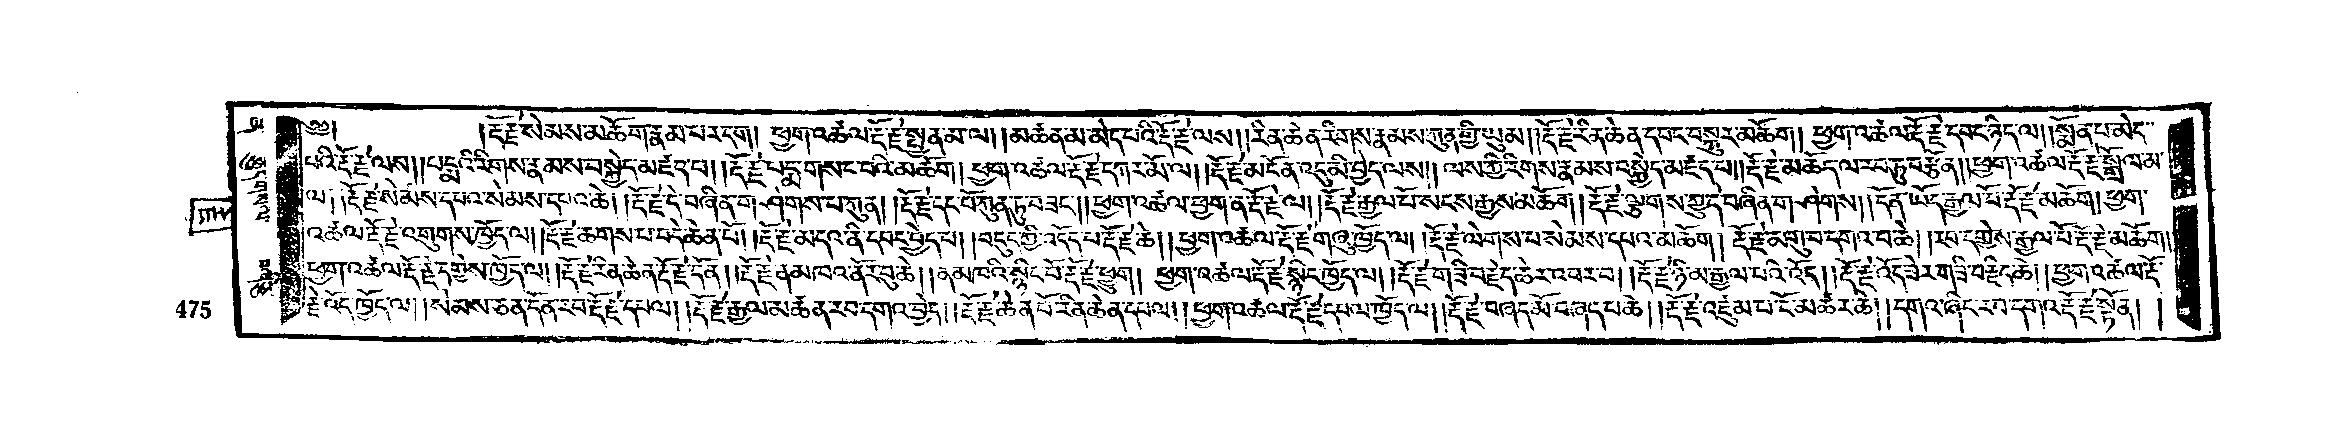༄༅། །རྡོ་རྗེ་སེམས་མཆོག་རྣམ་པར་དག །ཕྱག་འཚལ་རྡོ་རྗེ་སྤྱན་མ་ལ། །མཚན་མ་མེད་པའི་རྡོ་རྗེ་ལས། །རིན་ཆེན་རིགས་རྣམས་ཀུན་གྱི་ཡུམ། །རྡོ་རྗེ་རིན་ཆེན་དབང་བསྐུར་མཆོག །ཕྱག་འཚལ་རྡོ་རྗེ་དབང་ཉིད་ལ། །སྨོན་པ་མེད་
པའི་རྡོ་རྗེ་ལས། །པདམའི་རིགས་རྣམས་བསྐྱེད་མཛད་པ། །རྡོ་རྗེ་པདམ་གསང་བའི་མཆོག །ཕྱག་འཚལ་རྡོ་རྗེ་དཀར་མོ་ལ། །རྡོ་རྗེ་མངོན་འདུ་མི་བྱེད་ལས། །ལས་ཀྱི་རིགས་རྣམས་བསྐྱེད་མཛད་པ། །རྡོ་རྗེ་མཆོད་ལ་རབ་ཏུ་བརྩོན། །ཕྱག་འཚལ་རྡོ་རྗེ་སྒྲོལ་མ་
ལ༑ ༑རྡོ་རྗེ་སེམས་དཔའ་སེམས་དཔའ་ཆེ། །རྡོ་རྗེ་དེ་བཞིན་གཤེགས་པ་ཀུན། །རྡོ་རྗེ་དང་པོ་ཀུན་ཏུ་བཟང་། །ཕྱག་འཚལ་ཕྱག་ན་རྡོ་རྗེ་ལ། །རྡོ་རྗེ་རྒྱལ་པོ་སངས་རྒྱས་མཆོག །རྡོ་རྗེ་ལྕགས་ཀྱུ་དེ་བཞིན་གཤེགས། །དོན་ཡོད་རྒྱལ་པོ་རྡོ་རྗེ་མཆོག །ཕྱག་
འཚལ་རྡོ་རྗེ་འགུགས་ཁྱོད་ལ། །རྡོ་རྗེ་ཆགས་པ་བདེ་ཆེན་པོ། །རྡོ་རྗེ་མདའ་ནི་དབང་བྱེད་པ། །བདུད་ཀྱི་འདོད་པ་རྡོ་རྗེ་ཆེ། །ཕྱག་འཚལ་རྡོ་རྗེ་གཞུ་ཁྱོད་ལ། །རྡོ་རྗེ་ལེགས་པ་སེམས་དཔའ་མྕོག །རྡོ་རྗེ་མགུ་བ་དགའ་བ་ཆེ། །རབ་དགྱེས་རྒྱལ་པོ་རྡོ་རྗེ་མཆོག །
ཕྱག་འཚལ་རྡོ་རྗེ་དགྱེས་ཁྱོད་ལ། །རྡོ་རྗེ་རིན་ཆེན་རྡོ་རྗེ་དོན། །རྡོ་རྗེ་ནམ་མཁའ་ནོར་བུ་ཆེ། །ནམ་མཁའི་སྙིང་པོ་རྡོ་རྗེ་ཕྱུག །ཕྱག་འཚལ་རྡོ་རྗེ་སྙིང་ཁྱོད་ལ། །རྡོ་རྗེ་གཟི་བརྗེད་ཆེར་འབར་བ། །རྡོ་རྗེ་ཉི་མ་རྒྱལ་བའི་འོད། །རྡོ་རྗེ་འོད་ཟེར་གཟི་བརྗིད་ཆེ། །ཕྱག་འཚལ་རྡོ་
རྗེ་འོད་ཁྱོད་ལ། །སེམས་ཅན་དོན་རབ་རྡོ་རྗེ་དཔལ། །རྡོ་རྗེ་རྒྱལ་མཚན་རབ་དགའ་བྱེད། །རྡོ་རྗེ་ཆེན་པོ་རིན་ཆེན་དཔལ། །ཕྱག་འཚལ་རྡོ་རྗེ་དཔལ་ཁྱོད་ལ། །རྡོ་རྗེ་བཞད་མོ་བཞད་པ་ཆེ། །རྡོ་རྗེ་མཛུམ་པ་ངོ་མཚར་ཆེ། །དགའ་ཞིང་རབ་དགའ་རྡོ་རྗེ་སྟོན། །